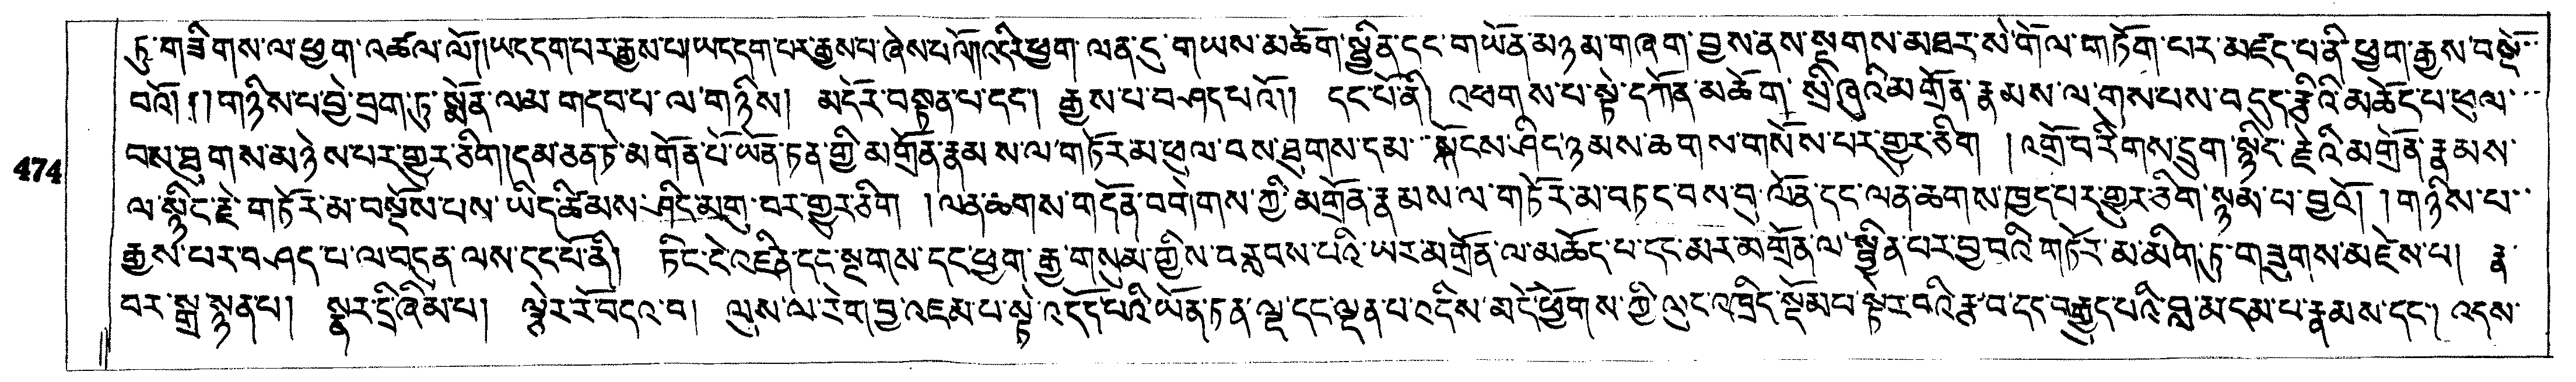ཏུ་གཟིགས་ལ་ཕྱག་འཚལ་ལོ། །ཡང་དག་པར་རྒྱས་པ། ཡང་དག་པར་རྒྱས་པ་ཞེས་པའོ། །འདིར་ཕྱག་ལན་དུ་གཡས་མཆོག་སྦྱིན་དང་གཡོན་མཉམ་གཞག་བྱས་ནས་སྔགས་མཐར་སེ་གོལ་གཏོག་པར་མཛད་པ་ནི་ཕྱག་རྒྱས་བསྔོ་
བའོ། །གཉིས་པ་བྱེ་བྲག་ཏུ་སྨོན་ལམ་གདབ་པ་ལ་གཉིས། མདོར་བསྟན་པ་དང་། རྒྱས་པ་བཤད་པའོ།། དང་པོ་ནི། འཕགས་པ་སྟེ་དཀོན་མཆོག་སྲི་ཞུའི་མགྲོན་རྣམས་ལ་གུས་པས་བདུད་རྩིའི་མཆོད་པ་ཕུལ་
བས་ཐུགས་མཉེས་པར་གྱུར་ཅིག །དམ་ཅན་ཏེ་མགོན་པོ་ཡོན་ཏན་གྱི་མགྲོན་རྣམས་ལ་གཏོར་མ་ཕུལ་བས་ཐུགས་དམ་སྐོངས་ཤིང་ཉམས་ཆགས་གསོས་པར་གྱུར་ཅིག །འགྲོ་བ་རིགས་དྲུག་སྙིང་རྗེའི་མགྲོན་རྣམས་
ལ་སྙིང་རྗེ་གཏོར་མ་བསྔོས་པས་ཡིད་ཚིམས་ཤིང་མགུ་བར་གྱུར་ཅིག །ལན་ཆགས་གདོན་བགེགས་ཀྱི་མགྲོན་རྣམས་ལ་གཏོར་མ་བཏང་བས་བུ་ལོན་དང་ལན་ཆགས་ཁྱད་པར་གྱུར་ཅིག་སྙམ་པ་བྱའོ། །གཉིས་པ་
རྒྱས་པར་བཤད་པ་ལ་བདུན་ལས་དང་པོ་ནི། ཏིང་ངེ་འཛིན་དང་སྔགས་དང་ཕྱག་རྒྱ་གསུམ་གྱིས་བརླབས་པའི་ཡར་མགྲོན་ལ་མཆོད་པ་དང་མར་མགྲོན་ལ་སྦྱིན་པར་བྱ་བའི་གཏོར་མ་མིག་ཏུ་གཟུགས་མཛེས་པ། རྣ་
བར་སྒྲ་སྙན་པ། སྣར་དྲི་ཞིམ་པ། ལྕེར་རོ་བདའ་བ། ལུས་ལ་རེག་བྱ་འཇམ་པ་སྟེ་འདོད་པའི་ཡོན་ཏན་ལྔ་དང་ལྡན་པ་འདིས་མདོ་ཕྱོགས་ཀྱི་ལུང་འཁྲིད་སྡོམ་པ་སྟེར་བའི་རྩ་བ་དང་བརྒྱུད་པའི་བླ་མ་དམ་པ་རྣམས་དང་། འདས་